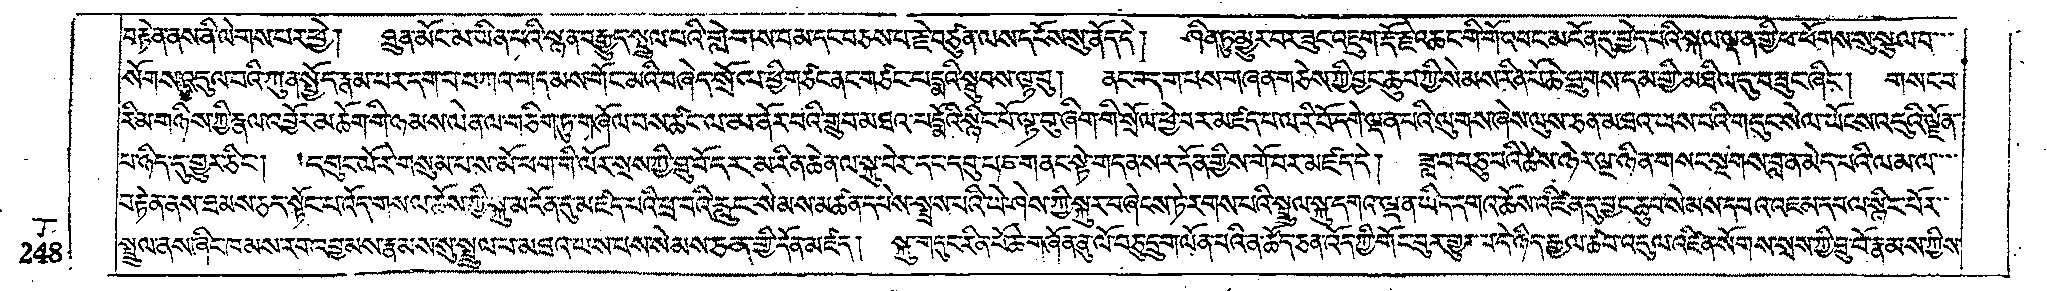བརྟེན་ནས་ནི་ལེགས་པར་ཕྱེ། ཐུན་མོང་མ་ཡིན་པའི་སྙན་བརྒྱུད་སྤྲུལ་པའི་གླེགས་བམ་དང་བཅས་པ་རྗེ་བཙུན་ལས་དངོས་སུ་ནོད་དེ། ཤིན་ཏུ་མྱུར་བར་ཟུང་འཇུག་རྡོ་རྗེ་འཆང་གི་གོ་འཕང་མངོན་དུ་བྱེད་པའི་སྐལ་ལྡན་གྱི་ཕ་ཕོགས་སུ་སྩལ་བ་་་
སོགས་ཕྱི་འདུལ་བའི་ཀུན་སྤྱོད་རྣམ་པར་དག་པ་བཀའ་གདམས་གོང་མའི་བཞེད་སྲོལ་ཕྱི་གཙང་ནང་གཙང་པདམའི་སྦུབས་ལྟ་བུ། ནང་བདག་པས་གཞན་གཅེས་ཀྱི་བྱང་ཆུབ་ཀྱི་སེམས་རིན་པོ་ཆེ་ཐུགས་དམ་གྱི་མཐིལ་དུ་བཟུང་ཞིང་། གསང་བ་
རིམ་གཉིས་ཀྱི་རྣལ་འབྱོར་མཆོག་གི་ཉམས་ལེན་ལ་གཅིག་ཏུ་གཞོལ་བས་ཚང་ལ་མ་ནོར་བའི་གྲུབ་མཐའ་པདམོའི་སྙིང་པོ་ལྟ་བུ་ཞིག་གི་སྲོལ་ཕྱེ་བར་མཛད་པ་ལ་རི་བོ་དགེ་ལྡན་པའི་ལུགས་ཞེས་ལུས་ཅན་མཐའ་ཡས་པའི་གདུང་སེལ་ཡོངས་འདུའི་ལྗོན་་་
པ་ཉིད་དུ་གྱུར་ཅིང་། དགུང་ལོ་རེ་གསུམ་པ་ས་མོ་ཕག་གི་ལོར་སྲས་ཀྱི་ཐུ་བོ་དར་མ་རིན་ཆེན་ལ་སྐུ་བེར་དང་དབུ་པཎ་གནང་སྟེ་གདན་སར་དོན་གྱིས་གོ་བར་མཛད་དེ། ཟླ་བ་བཅུ་པའི་ཚེས་ཉེར་ལྔ་ཉིན་གསང་སྔགས་བླ་ན་མེད་པའི་ལམ་ལ་་་
བརྟེན་ནས་ཐམས་ཅད་སྟོང་པ་འོད་གསལ་ཆོས་ཀྱི་སྐུ་མངོན་དུ་མཛད་པའི་ཕྲ་བའི་རླུང་སེམས་མཚན་དཔེས་སྤྲས་པའི་ཡེ་ཤེས་ཀྱི་སྐུར་བཞེངས་ཏེ་རགས་པའི་སྤྲུལ་སྐུ་དགའ་ལྡན་ཡིད་དགའ་ཆོས་འཛིན་དུ་བྱང་ཆུབ་སེམས་དཔའ་འཇམ་དཔལ་སྙིང་པོར་་་
སྤྲུལ་ནས་ཞིང་ཁམས་རབ་འབྱམས་རྣམས་སུ་སྤྲུལ་པ་མཐའ་ཡས་པས་སེམས་ཅན་གྱི་དོན་མཛད། སྐུ་གདུང་རིན་པོ་ཆེ་གཞོན་ནུ་ལོ་བཅུ་དྲུག་ལོན་པའི་ན་ཚོད་ཅན་འོད་ཀྱི་གོང་བུར་གྱུར་པ་དེ་ཉིད་རྒྱལ་ཚབ་འདུལ་འཛིན་སོགས་སྲས་ཀྱི་ཐུ་བོ་རྣམས་ཀྱིས་